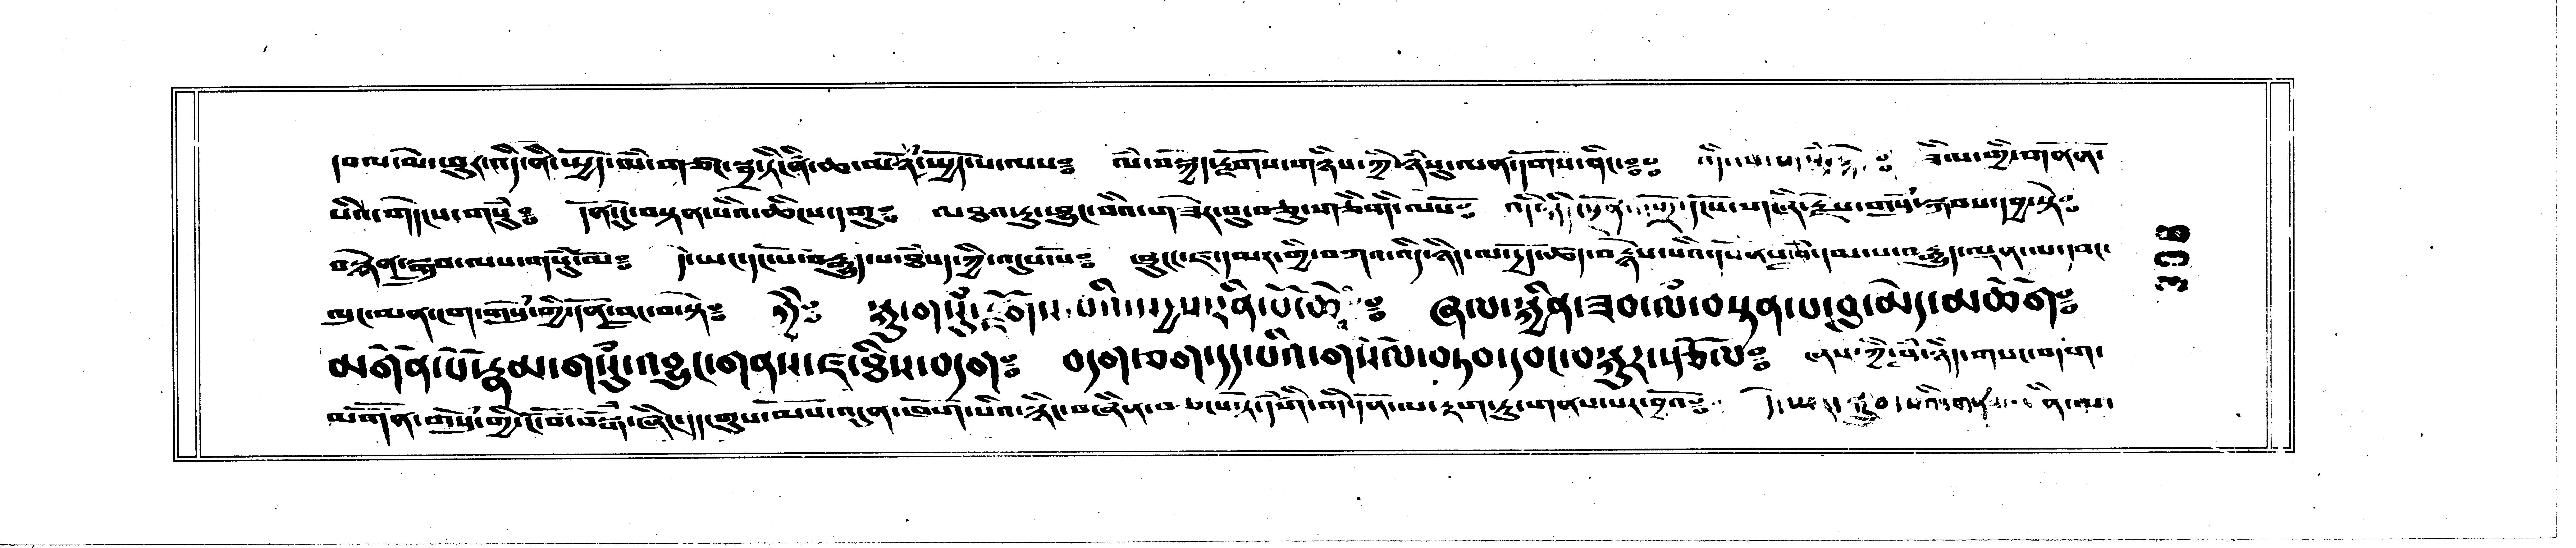དབལ་མེ་ཕུར་འདི་ནི་སྤྱོད་ལམ་གཙང་སྦྲ་ཏིང་འཛིན་ཆ་མཉམ་སྤྱོད་པ་ལས༔ ལམ་བསྐྱེད་རྫོགས་གཉིས་ཀྱིས་ཉམས་སུ་ལེན་དགོས་ཤིང་༔༔ འདི་ལ་གསུམ་སྟེ། ཟིལ་གྱིས་གནོན་
པའི་གདེངས་གསུམ༔ དོན་དུ་བསྟན་པའི་ཆིངས་དགུ༔ མཐའ་རུ་བྱུང་བའི་གཟེར་བུ་བཅུ་གཅིག་གི་ལས་སོ༔ འདི་ཉིད་སྔོན་འགྲོ་དངོས་གཞི་རྗེས་གསུམ་སྐབས་དབྱེ་སྟེཿ 
བསྙེན་སྒྲུབ་ལས་གསུམ་མོ༔ དེ་ཡང་དང་པོ་བརྒྱུད་པ་ཐམས་ཅད་ཀྱི་འདུས་སོཿ ཞང་ཞུང་ཛྭ་དམར་གྱི་བཀའ་འདི་ཉིད་ལ་དྲོད་ཚད་བརྙེས་པའི་དཔོན་གས་བླ་མ་དམ་པ་བརྒྱུད་ལྡན་ལ་དབང་
ལུང་མན་ངག་གསུམ་གྱི་དོན་བླང་བ་སྟེ༔ ཀྱཻཿ སྐུ་གསུམ་རྫོགས་པའི་སངས་རྒྱས་རིན་པོ་ཆེའི༔ ཞལ་སྐྱིན་ཟབ་ལམ་བསྟན་པ་བླ་མེད་མཆོག༔ 
མགོན་པོ་རྣམ་གསུམ་འབྱུང་གནས་ཛྭ་ཐིས་བདག༔ བདག་ཅག་དད་པའི་གསོལ་བཏབ་དབང་བསྐུར་སྩོལ༔ ཞེས་ཀྱི་བླ་མ་ཉིད་གསང་བདག་
མགོན་པོ་གསུམ་གྱི་ངོ་བོ་བསྒོམ་ཞིང་དད་གུས་མོས་འདུན་ཁོག་པའི་སྙིང་བཞིན་བཅངས་ཏེ་དམ་ཚིག་གི་དོན་ལ་རྟག་ཏུ་གནས་པར་བྱའོ༔ དེ་ཡང་བསྒྲུབ་པའི་གནས་ནི་མ་